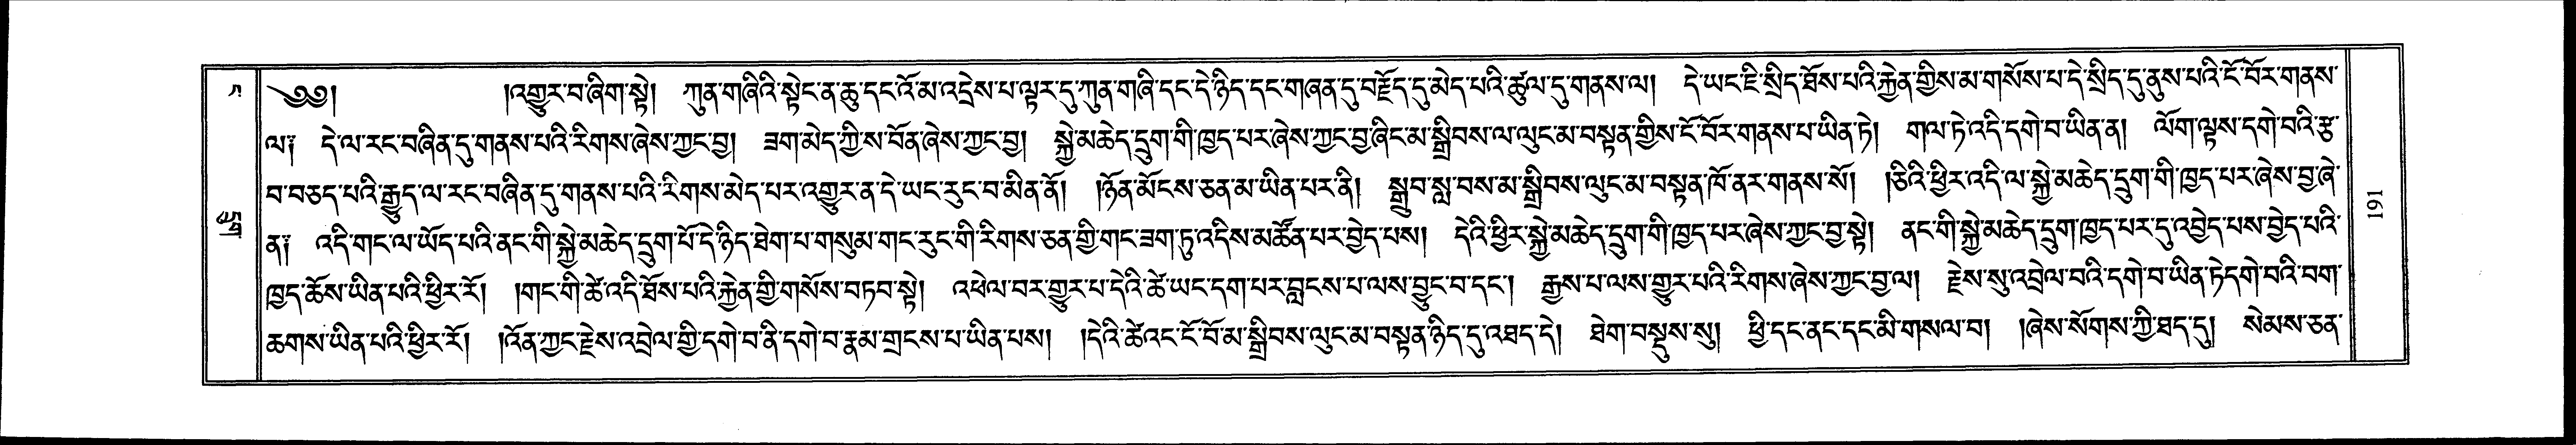༄༅། །འགྱུར་བ་ཞིག་སྟེ། ཀུན་གཞིའི་སྟེང་ན་ཆུ་དང་འོ་མ་འདྲེས་པ་ལྟར་དུ་ཀུན་གཞི་དང་དེ་ཉིད་དང་གཞན་དུ་བརྗོད་དུ་མེད་པའི་ཚུལ་དུ་གནས་ལ། དེ་ཡང་ཇི་སྲིད་ཐོས་པའི་རྐྱེན་གྱིས་མ་གསོས་པ་དེ་སྲིད་དུ་ནུས་པའི་ངོ་བོར་གནས་
ལ། དེ་ལ་རང་བཞིན་དུ་གནས་པའི་རིགས་ཞེས་ཀྱང་བྱ། ཟག་མེད་ཀྱི་ས་བོན་ཞེས་ཀྱང་བྱ། སྐྱེ་མཆེད་དྲུག་གི་ཁྱད་པར་ཞེས་ཀྱང་བྱ་ཞིང་མ་སྒྲིབས་ལ་ལུང་མ་བསྟན་གྱིས་ངོ་བོར་གནས་པ་ཡིན་ཏེ། གལ་ཏེ་འདི་དགེ་བ་ཡིན་ན། ལོག་ལྟས་དགེ་བའི་རྩ་
བ་བཅད་པའི་རྒྱུད་ལ་རང་བཞིན་དུ་གནས་པའི་རིགས་མེད་པར་འགྱུར་ན་དེ་ཡང་རུང་བ་མིན་ནོ། །ཉོན་མོངས་ཅན་མ་ཡིན་པར་ནི། སྒྲུབ་སླ་བས་མ་སྒྲིབས་ལུང་མ་བསྟན་ཁོ་ནར་གནས་སོ། །ཅིའི་ཕྱིར་འདི་ལ་སྐྱེ་མཆེད་དྲུག་གི་ཁྱད་པར་ཞེས་བྱ་ཞེ་
ན། འདི་གང་ལ་ཡོད་པའི་ནང་གི་སྐྱེ་མཆེད་དྲུག་པོ་དེ་ཉིད་ཐེག་པ་གསུམ་གང་རུང་གི་རིགས་ཅན་གྱི་གང་ཟག་ཏུ་འདིས་མཚོན་པར་བྱེད་པས། དེའི་ཕྱིར་སྐྱེ་མཆེད་དྲུག་གི་ཁྱད་པར་ཞེས་ཀྱང་བྱ་སྟེ། ནང་གི་སྐྱེ་མཆེད་དྲུག་ཁྱད་པར་དུ་འབྱེད་པས་བྱེད་པའི་
ཁྱད་ཆོས་ཡིན་པའི་ཕྱིར་རོ། །གང་གི་ཚེ་འདི་ཐོས་པའི་རྐྱེན་གྱི་གསོས་བཏབ་སྟེ། འཕེལ་བར་གྱུར་པ་དེའི་ཚེ་ཡང་དག་པར་བླངས་པ་ལས་བྱུང་བ་དང་། རྒྱས་པ་ལས་གྱུར་པའི་རིགས་ཞེས་ཀྱང་བྱ་ལ། རྗེས་སུ་འབྲེལ་བའི་དགེ་བ་ཡིན་ཏེ་དགེ་བའི་བག་
ཆགས་ཡིན་པའི་ཕྱིར་རོ། །འོན་ཀྱང་རྗེས་འབྲེལ་གྱི་དགེ་བ་ནི་དགེ་བ་རྣམ་གྲངས་པ་ཡིན་པས། །དེའི་ཚེའང་ངོ་བོ་མ་སྒྲིབས་ལུང་མ་བསྟན་ཉིད་དུ་འཐད་དེ། ཐེག་བསྡུས་སུ། ཕྱི་དང་ནང་དང་མི་གསལ་བ། །ཞེས་སོགས་ཀྱི་ཐད་དུ། སེམས་ཅན་